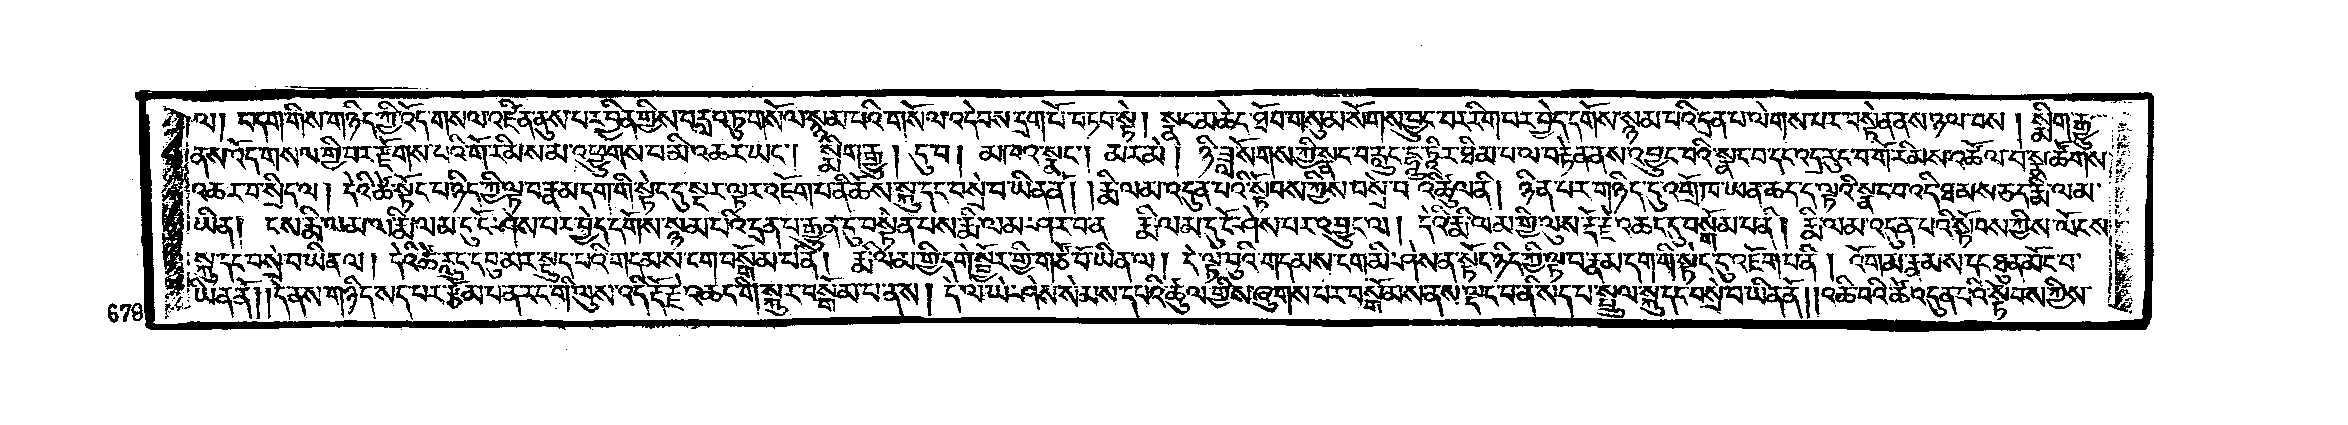ལ། བདག་གིས་གཉིད་ཀྱི་འོད་གསལ་འཛིན་ནུས་པར་བྱིན་གྱིས་བརླབ་ཏུ་གསོལ་སྙམ་པའི་གསོལ་འདེབས་དྲག་པོ་བཏབ་སྟེ། སྣང་མཆེད་ཐོབ་གསུམ་སོགས་བྱུང་བར་རིག་པར་བྱེད་དགོས་སྙམ་པའི་དྲན་པ་ལེགས་པར་བསྟེན་ནས་ཉལ་བས། སྨིག་རྒྱུ་
ནས་འོད་གསལ་གྱི་བར་རྫོགས་པའི་གོ་རིམས་མ་འཕྱུགས་པ་མི་འཆར་ཡང་། སྨིག་རྒྱུ། དུ་བ། མཁའ་སྣང་། མར་མེ། ཉི་ཟླ་སོགས་ཀྱི་སྣང་བ་རླུང་དྷཱུ་ཏཱིར་ཐིམ་པ་ལ་བརྟེན་ནས་འབྱུང་བའི་སྣང་བ་དང་འདྲ་རུང་བ་གོ་རིམས་འཆོལ་བ་སྣ་ཚོགས་
འཆར་བ་སྲིད་ལ། དེའི་ཚེ་སྟོང་པ་ཉིད་ཀྱི་ལྟ་བ་རྣམ་དག་གི་སྟེང་དུ་སྔར་ལྟར་འཇོག་པ་ནི་ཆོས་སྐུ་དང་བསྲེ་བ་ཡིན་ནོ། །རྨི་ལམ་འདུན་པའི་སྟོབས་ཀྱིས་བསྲེ་བའི་ཚུལ་ནི། ཉིན་པར་གཉིད་དུ་འགྲོ་ཁ་ཡིན་ཆད་ད་ལྟའི་སྣང་བ་འདི་ཐམས་ཅད་རྨི་ལམ་
ཡིན། ངས་རྨི་ལམ་ལ་རྨི་ལམ་དུ་ངོ་ཤེས་པར་བྱེད་དགོས་སྙམ་པའི་དྲན་པ་རྒྱུན་དུ་བསྟེན་པས་རྨི་ལམ་ཤར་བ་ན། རྨི་ལམ་དུ་ངོ་ཤེས་པར་འབྱུང་ལ། དེའི་རྨི་ལམ་གྱི་ལུས་རྡོ་རྗེ་འཆང་དུ་བསྒོམ་པ་ནི། རྨི་ལམ་འདུན་པའི་སྟོབས་ཀྱིས་ལོངས་
སྐུ་དང་བསྲེ་བ་ཡིན་ལ། དེའི་ཚེ་རླུང་དབུ་མར་སྡུད་པའི་གདམས་ངག་བསྒོམ་པ་ནི། རྨི་ལམ་གྱི་དགེ་སྦྱོར་གྱི་གཙོ་བོ་ཡིན་ལ། དེ་ལྟ་བུའི་གདམས་ངག་མི་ཤེས་ན་སྟོང་ཉིད་ཀྱི་ལྟ་བ་རྣམ་དག་གི་སྟེང་དུ་འཇོག་པ་ནི། འོག་མ་རྣམས་དང་ཐུན་མོང་བ་
ཡིན་ནོ། །དེ་ནས་གཉིད་སད་པར་རྩོམ་པ་ན་རང་གི་ལུས་འདི་རྡོ་རྗེ་འཆང་གི་སྐུར་བསྒོམ་པ་ནས། དེ་ལ་ཡེ་ཤེས་སེམས་དཔའི་ཚུལ་གྱིས་ཞུགས་པར་བསྒོམས་ནས་ལྡང་བ་ནི་སད་པ་སྤྲུལ་སྐུ་དང་བསྲེ་བ་ཡིན་ནོ། །འཆི་བའི་ཚེ་འདུན་པའི་སྟོབས་ཀྱིས་